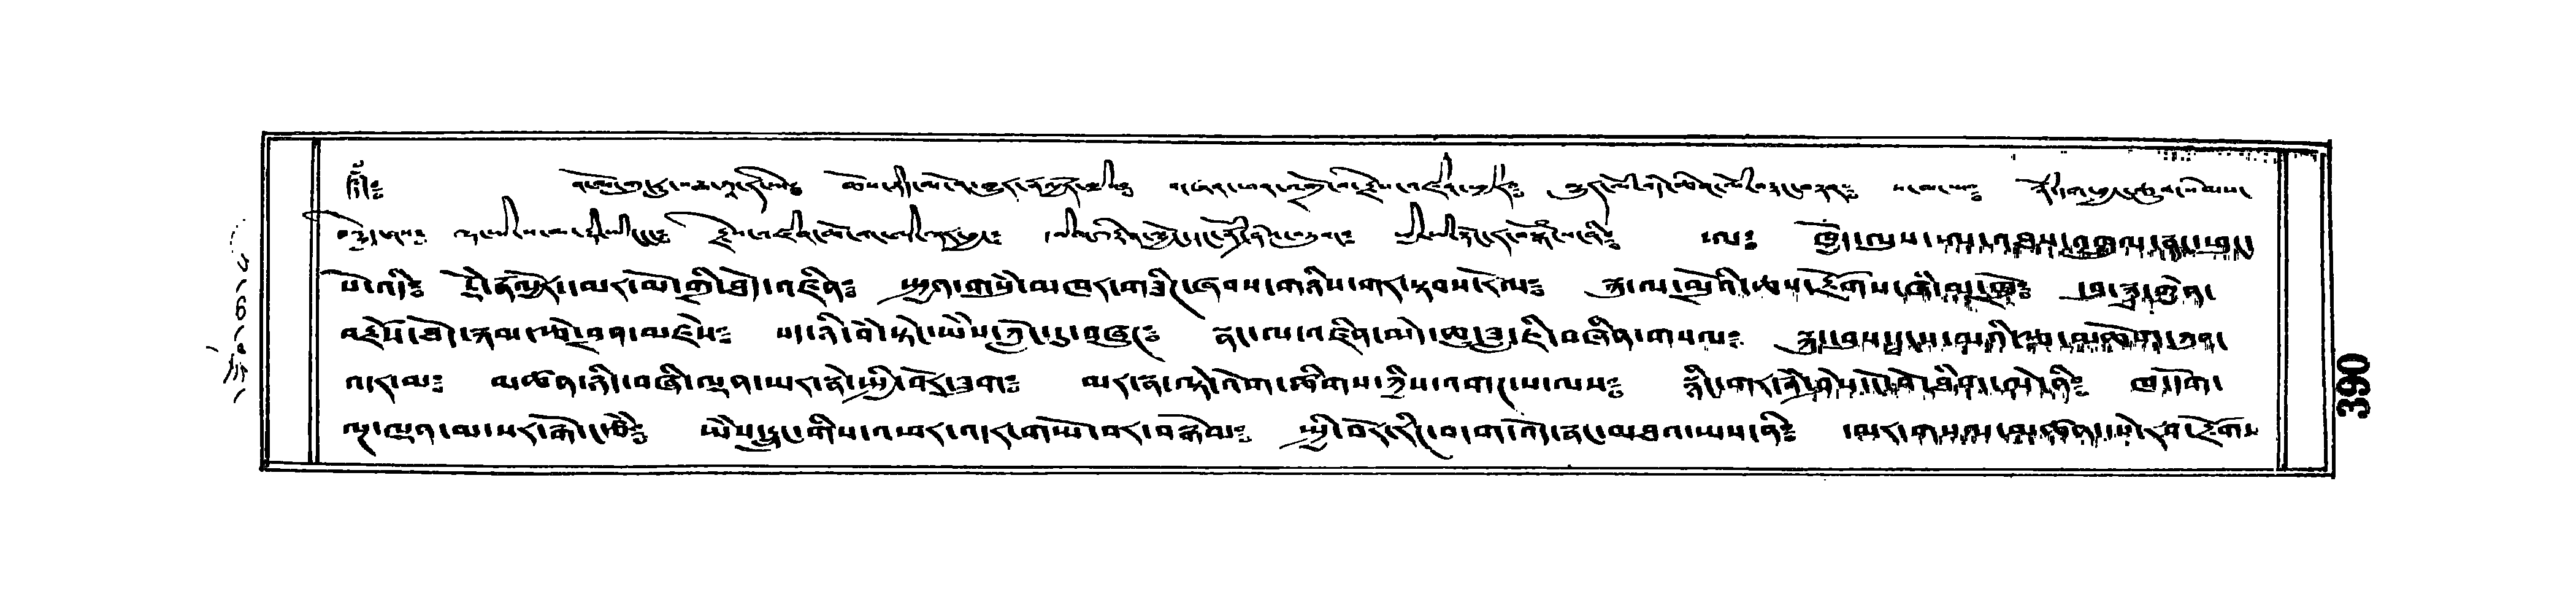ན་མོ་གུ་རུ་པདྨ་ཀཱ་ར་ཡེ༔ ཆོས་ཉིད་མངོན་གྱུར་རྣལ་འབྱོར་གྱིས༔ གཞན་ཕན་འགྲོ་བ་རྗེས་འཛིན་ཕྱིར༔ མྱུར་ལམ་བདེ་ཆེན་ལམ་བཟང་བསྟན༔ ས་མ་ཡ༔ རྣམ་དག་བྱང་ཆུབ་སེམས་
བསྐྱེད་ནས༔ ལྷ་ཡི་ས་མ་དྷི་ཡི་ངང༔ རྗེས་འཛིན་ཆོ་ག་འདི་ལྟར་བྱ༔ དམིགས་རྟེན་སྦྱོང་དང་རྣམ་ཤེས་བཀུག༔ ཕྱི་ཡི་སྟོང་ར་བསྒོམ་པ་ནི༔ ཨཱཿ ཁྱོད་ལུས་ཨ་འཐས་འཁྲུལ་སྣང་ཕུང་
པོ་འདི༔ རྡོ་རྗེ་རྣལ་འབྱོར་དམར་མོ་གྲི་ཐོད་འཛིན༔ སྤྱན་གསུམ་མཁར་གཟིགས་ཞབས་གཉིས་གར་སྟབས་རོལ༔ སྐུ་ལ་མཁའ་འགྲོའི་ཆས་རྫོགས་ཞི་མ་ཁྲོ༔ དབུ་སྐྲ་གྱེན་
བརྫེས་ཐོད་སྐམ་རྩེ་བྲན་མཛེས༔ པད་ཉི་བམ་སྟེང་ཡེ་ཤེས་ཀློང་དུ་བཞུགས༔ སྣང་ལ་འཛིན་མེད་ཆུ་ཟླ་ཇི་བཞིན་གསལ༔ སྐུ་དབུས་དྭངས་མའི་རྩ་མཆོག་ཀུན་
འདར་མ༔ མཚན་ཉིད་བཞི་ལྡན་ཡར་སྣེ་སྤྱི་བོར་ཟུག༔ མར་སྣེ་ལྟེ་འོག་ཚིགས་ཀྱིས་འགགས་པ་ལས༔ སྙིང་གར་རྣམ་ཤེས་ངོ་བོ་ཐིག་ལེ་ནི༔ ཁ་དོག་
ལྔ་ལྡན་མ་སར་སྒོ་ང་ཙམ༔ ཡེ་ཤེས་རླུང་གིས་འཕར་འདར་གཡོ་བར་བསྒོམ༔ སྤྱི་བོར་རིགས་བདག་འོད་སྣང་མཐའ་ཡས་ནི༔ དམར་གསལ་མཚན་དཔེ་རབ་རྫོགས་